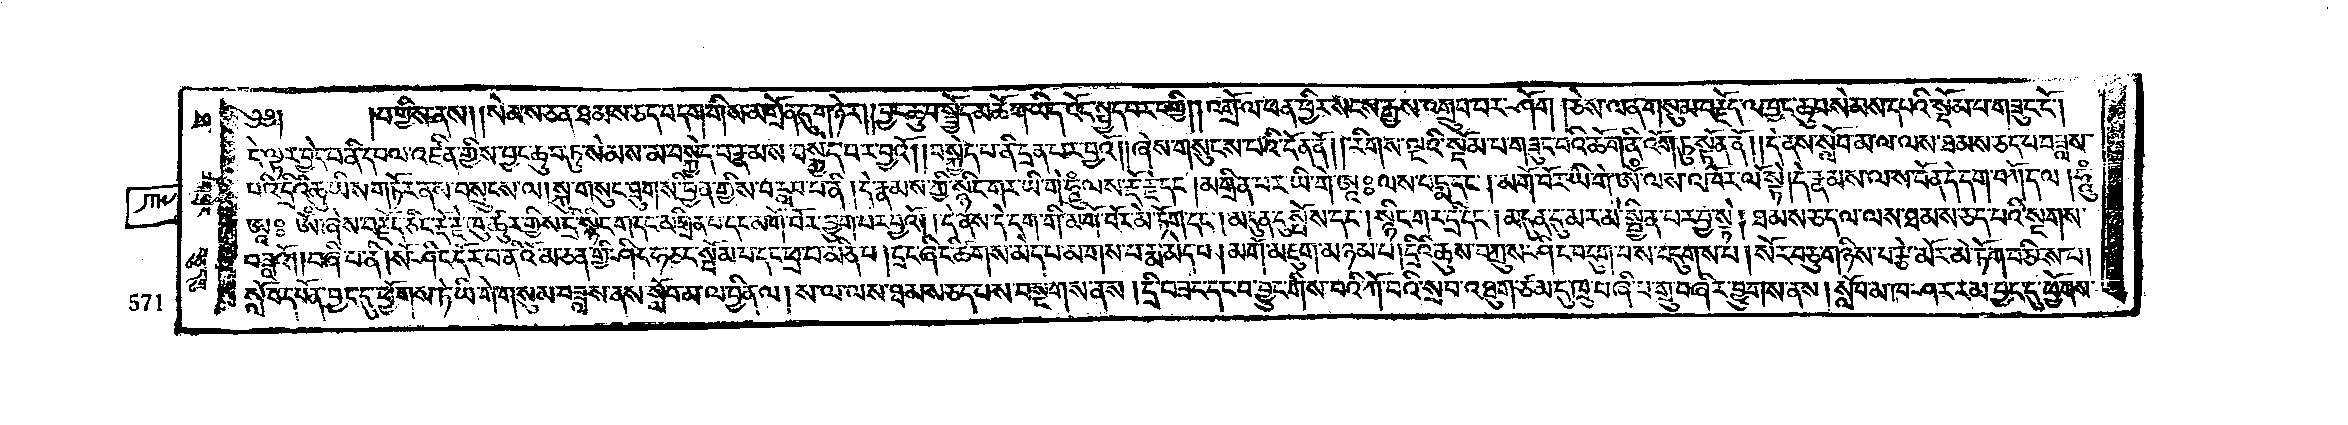༄༅། །བགྱིས་ནས། །སེམས་ཅན་ཐམས་ཅད་བདག་གིས་མགྲོན་དུ་གཉེར། །བྱང་ཆུབ་སྤྱོད་མཆོག་ཡིད་འོང་སྤྱད་པར་བགྱི། །འགྲོ་ལ་ཕན་ཕྱིར་སངས་རྒྱས་འགྲུབ་པར་ཤོག །ཅེས་ལན་གསུམ་བརྗོད་ལ་བྱང་ཆུབ་སེམས་དཔའི་སྡོམ་པ་གཟུང་ངོ།
དེ་ལྟར་བྱེད་པ་ནི་དཔལ་འཛིན་གྱིས་བྱང་ཆུབ་ཏུ་སེམས་མ་བསྐྱེད་པ་རྣམས་བསྐྱེད་པར་བྱའོ། །བསྐྱེད་པ་ནི་དྲན་པར་བྱའོ། །ཞེས་གསུངས་པའི་དོན་ནོ། །རིགས་ལྔའི་སྡོམ་པ་གཟུང་བའི་ཆོ་ག་ནི་འོག་ཏུ་སྟོན་ནོ། །དེ་ནས་སློབ་མ་ལ་ལས་ཐམས་ཅད་པ་བཟླས་
པའི་དྲིའི་ཆུ་ཡིས་གཏོར་ནས་བསྲུངས་ལ། །སྐུ་གསུང་ཐུགས་བྱིན་གྱིས་བརླབ་པ་ནི། དེ་རྣམས་ཀྱི་སྙིང་གར་ཡི་གེ་ཧཱུཾ་ལས་རྡོ་རྗེ་དང་། མགྲིན་པར་ཡི་གེ་ཨཱཿ ལས་པདམ་དང་། མགོ་བོར་ཡི་གེ་ཨོཾ་ལས་འཁོར་ལོ་སྟེ། དེ་རྣམས་ལ་ས་བོན་དེ་དག་བཀོད་ལ། ཧཱུཾ་
ཨཱཿ ཨོཾ་ཞེས་བརྗོད་ཅིང་རྡོ་རྗེ་ཁུ་ཚུར་གྱིས་དྲི་སྙིང་ག་དང་མགྲིན་པ་དང་མགོ་བོར་བྱུག་པར་བྱའོ། །དེ་ནས་དེ་དག་གི་མགོ་བོར་མེ་ཏོག་དང་། མདུན་དུ་སྤོས་དང་། སྙིང་གར་དྲི་དང་། མདུན་དུ་མར་མེ་སྦྱིན་པར་བྱ་སྟེ། ཐམས་ཅད་ལ་ལས་ཐམས་ཅད་པའི་སྔགས་
བཟླའོ། །བཞི་པ་ནི། སོ་ཤིང་དོར་བ་ནི་འོ་མ་ཅན་གྱི་ཤིང་ཧ་ཅང་སྦོམ་པ་དང་ཕྲ་བ་མིན་པ། དྲང་ཞིང་ཚིགས་མེད་པ་མ་གས་པ་རྨ་མེད་པ། མགོ་མཇུག་མཉམ་པ། དྲིའི་ཆུས་བཀྲུས་ཤིང་བདུག་པས་བདུགས་པ། སོར་བཅུ་གཉིས་པ་རྩེ་མོར་མེ་ཏོག་བཅིངས་པ།
སློབ་དཔོན་བྱང་དུ་ཕྱོགས་ཏེ་ཡི་གེ་གསུམ་བཟླས་ནས་སློབ་མ་ལ་བྱིན་ལ། ས་ལ་ལས་ཐམས་ཅད་པས་བསྔགས་ནས། དྲི་བཟང་དང་བ་བྱུང་གིས་བའི་ཀོ་བའི་སྲབ་འཐུག་ཙམ་དུ་ཁྲུ་བཞི་པ་གྲུ་བཞིར་བྱུགས་ནས། སློབ་མ་ཁ་ཤར་རམ་བྱང་དུ་ཕྱོགས་